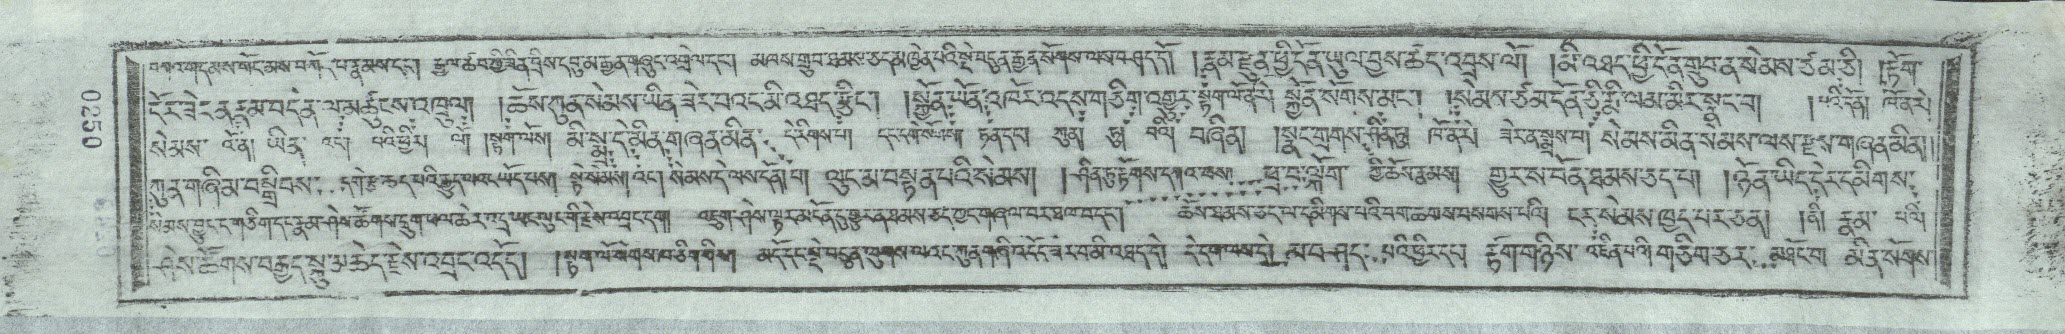བཀའ་གདམས་གོང་མཇས་བཀོད་པ་རྣམས་དང་། རྒྱལ་ཚབ་ཀྱི་ཟིན་བྲིས་དབུ་མ་རྒྱན་གཞུང་འགེལ་དང་། མཁས་གྲུབ་ཐམས་ཅད་མཁྱེན་པའི་སྡེ་བདུན་རྒྱན་སོགས་ལམ་བཤད་དོ། །རྣམ་རྫུན་ཕྱི་དོན་ཡུལ་བྱས་ཚད་འབྲས་ལོ། །མི་འཐད་ཕྱི་དོན་གྲུབ་ན་སེམས་ཙམ་ཅི། །རྟོག་
དོར་ཟེད་ན་རྣམ་བདེན་ལ་མཚུངས་འཁྲུ། །ཆོས་ཀུན་སེམས་ཡིན་ཟེར་བའང་མི་འཐད་རྩིང་། །སྐྱོན་ཡོན་འཁོར་འདས་གཅིག་འགྱུར་སྟག་ལོན་རེ། སྐྱོན་སོགས་མང་། །སེམས་ཙམ་དོན་ཅི་རྨི་ལམ་མིར་སྣང་བ། །པའི་ངོར། ཁོ་ན་རེ།
སེམས་འོན། ཡིན་འང་། པའི་ཕྱིར། །སྟ་ལོས། །མི་སྨྲ་དེ་མིན་གཞན་མིན་དེ་རིགས་པ། དང་དགེ་སོགས། ཏན་དང་། ཀུན། ཏུ། བའི་བཞིན། །སྣང་གྲུགས་ཤིན་ཏུ། ཁོ་ན་རེ། སེར་མ་སྨྲས་པ། སེམས་མིན་སེམས་ལས་རྫས་བཞན་མིན།
ཀུན་གཞི་མ་བསྒྲིབས་དགེ་མཆད་པའི་རྒྱུད་ལ་འང་ཡོད་པས། སྟ་སེམས། འང་། སེམས་དེ་ལས་དོན། པ། ལུང་མ་བསྟན་པའི་སེམས། །ཤིན་ཏུ་རྟོགས་དཀའ་བས། ཕྲ་པ་ལྐོག་ཀྱི་ཆོས་རྣམས། གྱུར་ས་བོན་ཐམས་ཅད་པ། །ཉོན་ཡིད་དེར་དམིགས་
སེམས་སྐུད་?་གཅིག་དར་རྣམ་ཤེས་ཚོགས་འདྲུག་ཕལ་ཆེར་འདྲ་ཡང་ལུང་གི་རྗེས་འབྲང་དགུ། འཇུག་ཤེས་ལྟར་མངོན་དུ་གྱུར་ནམས་ཅད་བྱང་བ། ནལ་བར་ཐལ་བ་དང་། ཆོས་ཐམས་ཅད་ལ་དམིགས་པའི་གྖགས་བསགས་པའི། ངར་སེམས་ལུད་པར་ཅན། །ནི། རྣམ་པའི་
ཤེས་ཚོགས་བརྒྱད་སྐུ་མཆེད་རྗེས་འབྲང་འདོད། །སྟག་མོ་སོགས་ཁ་ཅིག་གིས། མདོད་སྡེ་བདུན་ལུགས་ལའང་ཀུན་གཞི་འོད་ཟེར་བ་མི་འཐད་དེ། དེ་དག་ལས་དེ། མ་བཤད་བའི་ཕྱིར་དང་། རྟོག་གཉིས་འཛིན་པའི། ཅིག་ཅར་མཐོག་བ། མིན་སོགས་